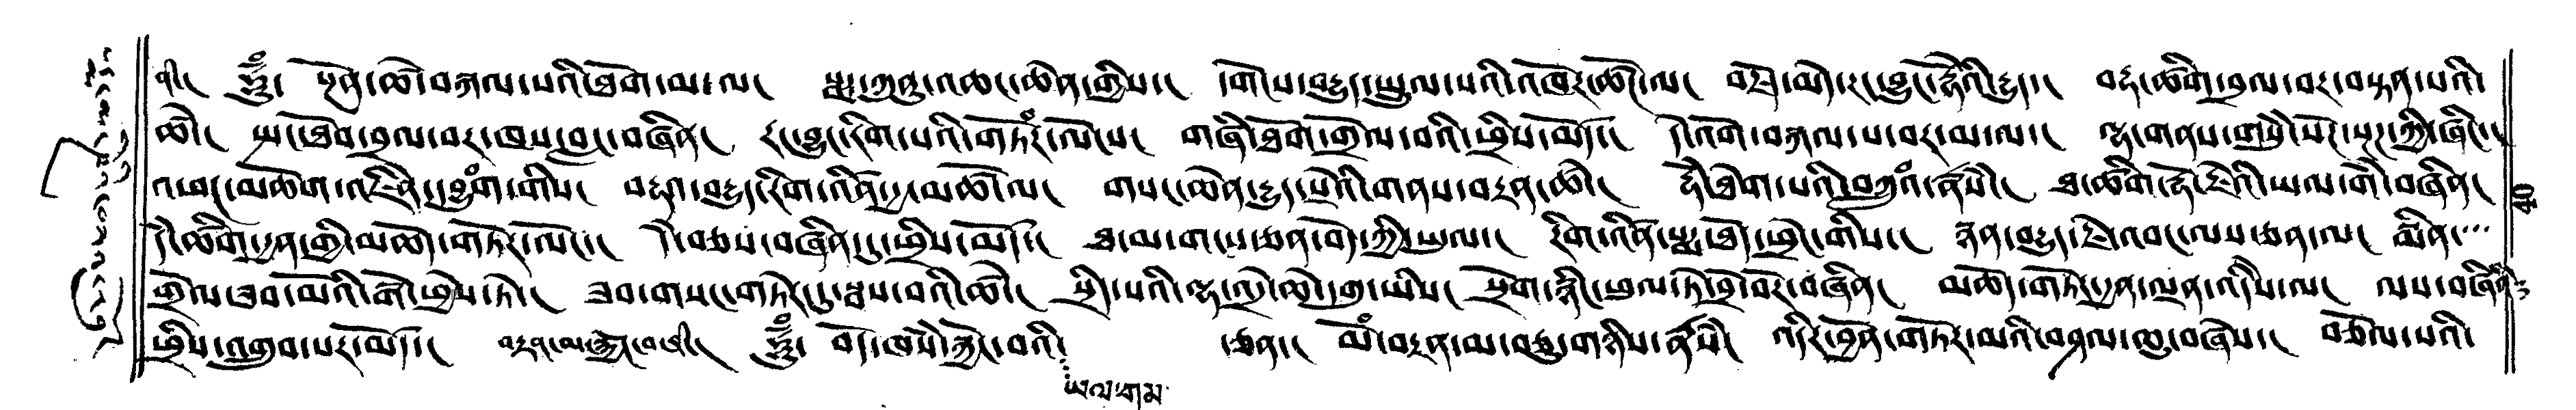ནི། ཧཱུྃ། སྔོན་ཚེ་བསྐལ་པའི་ཐོག་མ་ལ། །པདྨ་ཀུན་ཏུ་འཆང་ཆེན་གྱིས། །དགོངས་བརྒྱུད་སྤྲུལ་པའི་འཁོར་ཚོགས་ལ། །བརྗོད་མེད་རང་བྱུང་རྡོ་རྗེའི་རྒྱུད། །བརྡ་ཚིག་བྲལ་བར་བསྟན་པའི་
ཚེ། །སྤང་ཐོབ་བྲལ་བར་ཁས་བླངས་བཞིན། །རང་བྱུང་རིག་པའི་གཏོར་མ་ལོངས། །གཞི་ཐོག་གྲོལ་བའི་ཕྲིན་ལས་མཛོད། །དེ་འོག་བསྐལ་པ་བར་མ་ལ། །ལྷ་གནས་གསུམ་སོགས་སྔགས་ཀྱི་ཞིང་། །
འཕགས་མཆོག་འཇིག་རྟེན་དབང་ཕྱུག་གིས། །བརྡ་བརྒྱུད་རིག་འཛིན་རྒྱ་མཚོ་ལ། །གསང་ཆེན་རྒྱུད་སྡེའི་གནས་བསྟན་ཚེ། །རྡོ་རྗེ་ཐེག་པའི་བཀའ་སྲུང་རྣམས། །ཐ་ཚིག་རྡོ་རྗེའི་ཡལ་གམ་བཞིན། །
དམ་ཚིག་རྒྱན་གྱི་མཆོད་གཏོར་ལོངས། དམ་བཅས་བཞིན་དུ་ཕྲིན་ལས་མཛོད། །ཐ་མ་གངས་ཅན་བོད་ཀྱི་ཡུལ། །རིག་འཛིན་པདྨ་ཐོད་ཕྲེང་གིས། སྙན་བརྒྱུད་རྗེ་འབངས་ལས་ཅན་ལ། །སྨིན་
གྲོལ་ཟབ་མོའི་སྒོ་ཕྱེས་ཏེ། །ཟབ་གསང་གཏེར་དུ་སྦས་བའི་ཚེ། །སྲིད་པའི་ལྷ་འདྲེ་ཆེ་དགུ་ཡིས། །སྲོག་སྙིང་ཕུལ་ཏེ་བྲོ་བོར་བཞིན། །མཆོད་གཏོར་རྒྱན་ལྡན་འདི་བཞེས་ལ། །ལས་བཞིའི་
ཕྲིན་ལས་འགྲུབ་པར་མཛོད།བརྟན་མ་སྐྱོང་བ་ནི། ཧཱུྃ། བོད་ཁམས་སྐྱོང་བའི་ཡལ་གམ་ཅན། །མ་མོ་བརྟན་མ་བཅུ་གཉིས་རྣམས། །འདིར་བྱོན་གཏོར་མའི་བཤལ་ཆུ་བཞེས། །བཅོལ་པའི་